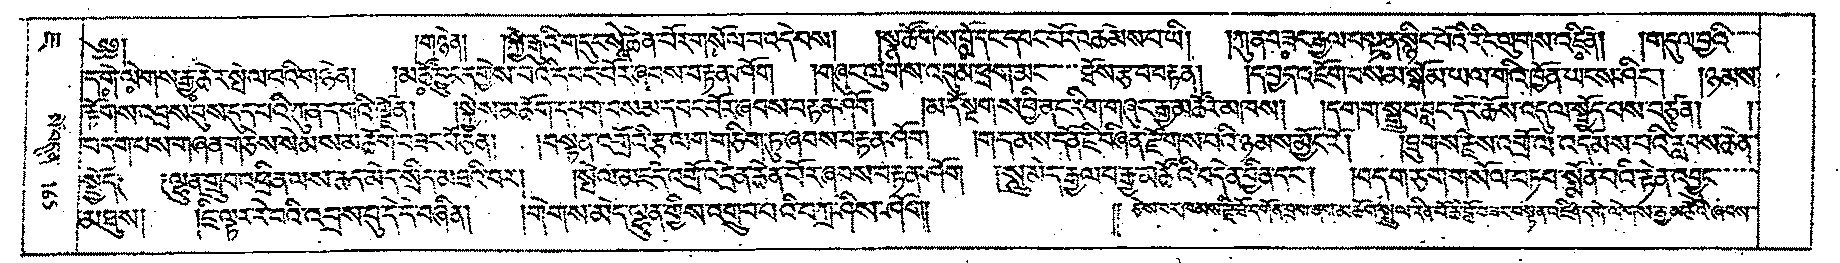༄༅། །གཉེན། །སྐྱེ་རྒུའི་གདུང་སེལ་ཆེན་པོར་གསོལ་བ་འདེབས། །སྣ་ཚོགས་བློ་དང་དབང་པོར་འཚམས་པ་ཡི། །ཀུན་བཟང་རྒྱལ་བསྟན་སྙིང་པོའི་རིང་ལུགས་འཛིན། །གདུལ་བྱའི་
དགེ་ལེགས་རྒྱ་ཆེར་སྤེལ་བའི་གཉེན། །མཚོ་བྱུང་དགྱེས་པའི་དབང་པོར་ཞབས་བརྟན་ཤོག །གཞུང་ལུགས་འབུམ་ཕྲག་མང་ཐོས་རྩ་བ་བརྟན། །དཔྱད་འཇོག་བསམ་སྒོམ་ཡལ་གའི་ཁྱོན་ཡངས་ཤིང་། །ཉམས་
རྟོགས་འབྲས་བུས་དུད་པའི་ཀུན་དགའི་ལྗོན། །སྐྱེས་མཆོག་དཔག་བསམ་དབང་པོར་ཞབས་བརྟན་ཤོག །མདོ་སྔགས་ཕྱི་ནང་རིག་གཞུང་རྒྱ་མཚོར་མཁས། །དགག་སྒྲུབ་བླང་དོར་ཆོས་འདུལ་སྤྱོད་པས་བཙུན། །
བདག་པས་གཞན་གཅེས་སེམས་མཆོག་བཟང་པོ་ཅན། །བསྟན་འགྲོའི་རྩ་ལག་གཅིག་ཏུ་ཞབས་བརྟན་ཤོག །གདམས་དོན་ཇི་བཞིན་རྫོགས་པའི་ཉམས་མྱོང་རོ། །ཐུགས་རྗེས་འགྲོ་ལ་འདོམས་པའི་རླབས་ཆེན་
སྤྱོད༑ ༑ལྷུན་གྲུབ་འཕྲིན་ལས་ཆད་མེད་སྲིད་མཐའི་བར། །སྤེལ་མཛད་འགྲོ་འདྲེན་ཆེན་པོར་ཞབས་བརྟན་ཤོག །སླུ་མེད་རྒྱལ་བ་རྒྱ་མཚོའི་བདེན་བྱིན་དང་། །བདག་ཅག་གསོལ་བཏབ་སྨོན་པའི་རྟེན་འབྱུང་
མཐུས། །ཇི་ལྟར་རེ་བའི་འབྲས་བུ་དེ་དེ་བཞིན། །གེགས་མེད་ལྷུན་གྱིས་འགྲུབ་པའི་བཀྲ་ཤིས་ཤོག ། །།ཅེས་པར་ཁམས་རྫི་ཐོ་དགོན་བྲག་ནག་མཆོག་སྤྲུལ་རིན་པོ་ཆེ་བློ་བཟང་བསྟན་འཛིན་དགེ་ལེགས་རྒྱ་མཚོའི་ཞབས་